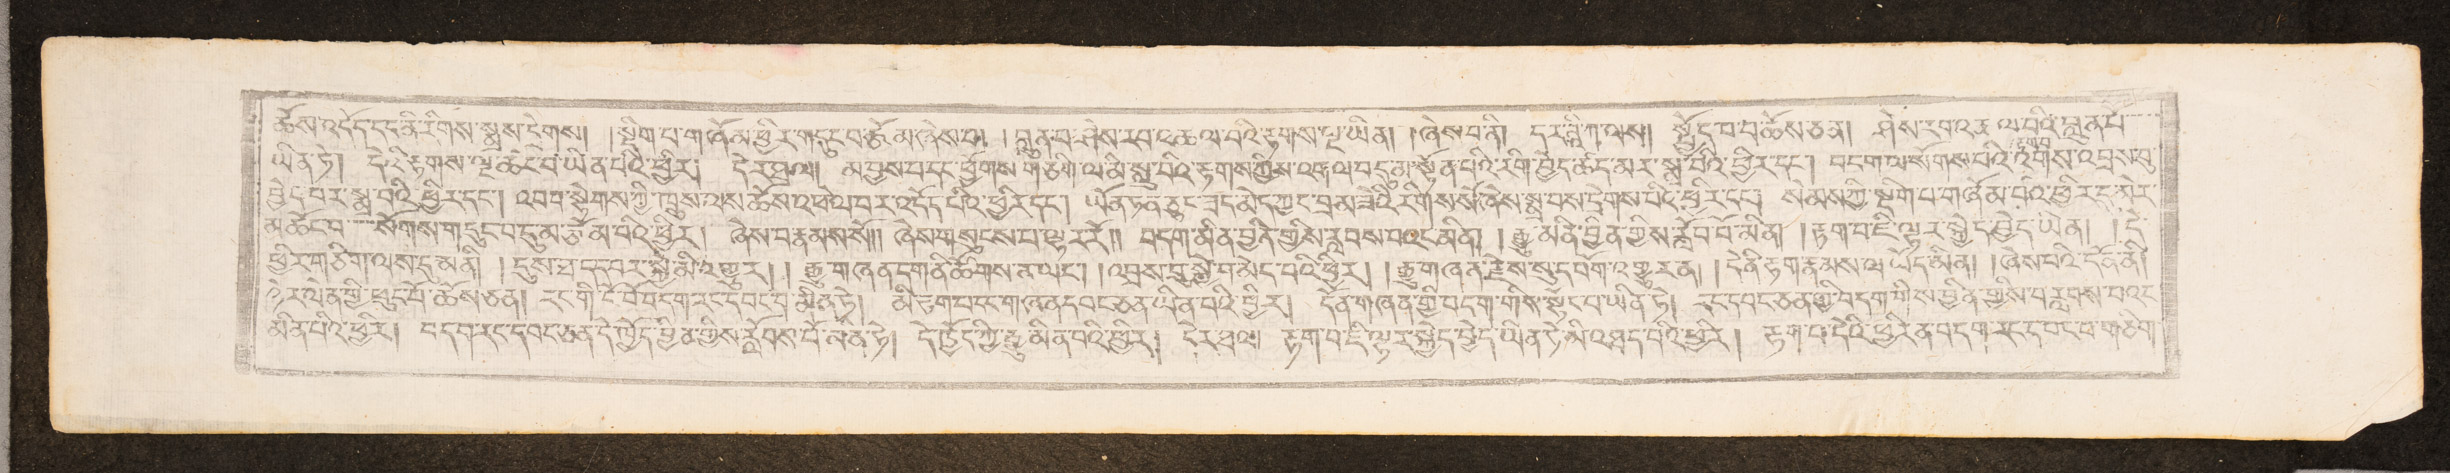ཆོས་འདོད་དང་ནི་རིགས་སྨྲས་དྲེགས། །སྡིག་པ་གཞོམ་ཕྱིར་གདུང་བ་རྩོམ་ཞེས་པ། །བླུན་པ་ཤེས་རབ་འཆལ་བའི་རྟགས་ལྔ་ཡིན། །ཞེས་པ་ནི། དར་ཊཱིཀ་ལས། སྤྱོད་པ་པ་ཆོས་ཅན། ཤེས་རབ་འཆལ་བའི་བླུན་པོ་
ཡིན་ཏེ། དེའི་རྟགས་ལྔ་ཚང་བ་ཡིན་པའི་ཕྱིར། དེར་ཐལ། མ་བྱས་བ་དང་ཕྱོགས་གཅིག་ལ་མི་སླུ་བའི་རྟགས་ཀྱིས་འགལ་བ་དུ་མ་སྟོན་པའི་རིག་བྱེད་ཚད་མར་སྨྲ་བའི་ཕྱིར་དང་། བདག་ལ་སོགས་པའི་འགས་འབྲས་བུ་
བྱེད་པར་སྨྲ་བའི་ཕྱིར་དང་། འབབ་སྟེགས་ཀྱི་ཁྲུས་ལས་ཆོས་འཕེལ་བར་འདོད་པའི་ཕྱིར་དང་། ཡོན་ཏན་ཅུང་ཟད་མེད་ཀྱང་བྲམ་ཟེའི་རིགས་སོ་ཞེས་སྨྲ་བས་དྲེགས་པའི་ཕྱིར་དང་། སེམས་ཀྱི་སྡིག་པ་གཞོམ་པའི་ཕྱིར་དུ་མེར་
མཆོང་བ་སོགས་གདུང་བདུང་མ་རྩོམ་པའི་ཕྱིར། ཞེས་པ་རྣམས་སོ།། ཞེས་གསུངས་པ་ལྟར་རོ།། བདག་མིན་བྱིན་གྱིས་རླབས་བའང་མིན། །རྒྱུ་མིན་བྱིན་གྱིས་རློབ་པོ་མིན། །རྟག་པ་ཇི་ལྟར་སྐྱེད་བྱེད་ཡིན། །དེ་
ཕྱིར་གཅིག་ལས་དུ་མིན། །དུས་ཐ་དད་པར་སྐྱེ་མི་འགྱུར། །རྒྱུ་གཞན་དག་ནི་ཚོགས་ན་ཡང་། །འབྲས་བུ་སྐྱེ་བ་མེད་པའི་ཕྱིར། །རྒྱུ་གཞན་རྗེས་སུ་དཔོག་འགྱུར་ན། །དེ་ནི་རྟག་རྣམས་ལ་ཡོད་མིན། །ཞེས་པའི་དོན་ནི།
ཉེར་ལེན་གྱི་ཕུང་པོ་ཆོས་ཅན། རང་གི་ངོ་བོ་བདག་རང་དབང་མིན་ཏེ། མི་རྟག་པ་དང་གཞན་དབང་ཅན་ཡིན་པའི་ཕྱིར། དོན་གཞན་གྱི་བདག་གིས་ཤོང་པ་ཡིན་ཏེ། རང་དབང་ཅན་གྱི་བདག་གིས་བྱིན་གྱིས་བརླབས་པའང་
མིན་པའི་ཕྱིར། བདག་རང་དབང་ཅན་དེ་ཁྱོད་བྱིན་གྱིས་རློབས་བོ་མིན་ཏེ། དེ་ཁྱོད་ཀྱི་རྒྱུ་མིན་པའི་ཕྱིར། དེར་ཐལ། རྟག་པ་ཇི་ལྟར་སྐྱེད་བྱེད་ཡིན་ཏེ་མི་འཐད་པའི་ཕྱིར། རྟག་པ་དེའི་ཕྱིར་ན་བདག་རང་དབང་བ་གཅིག་